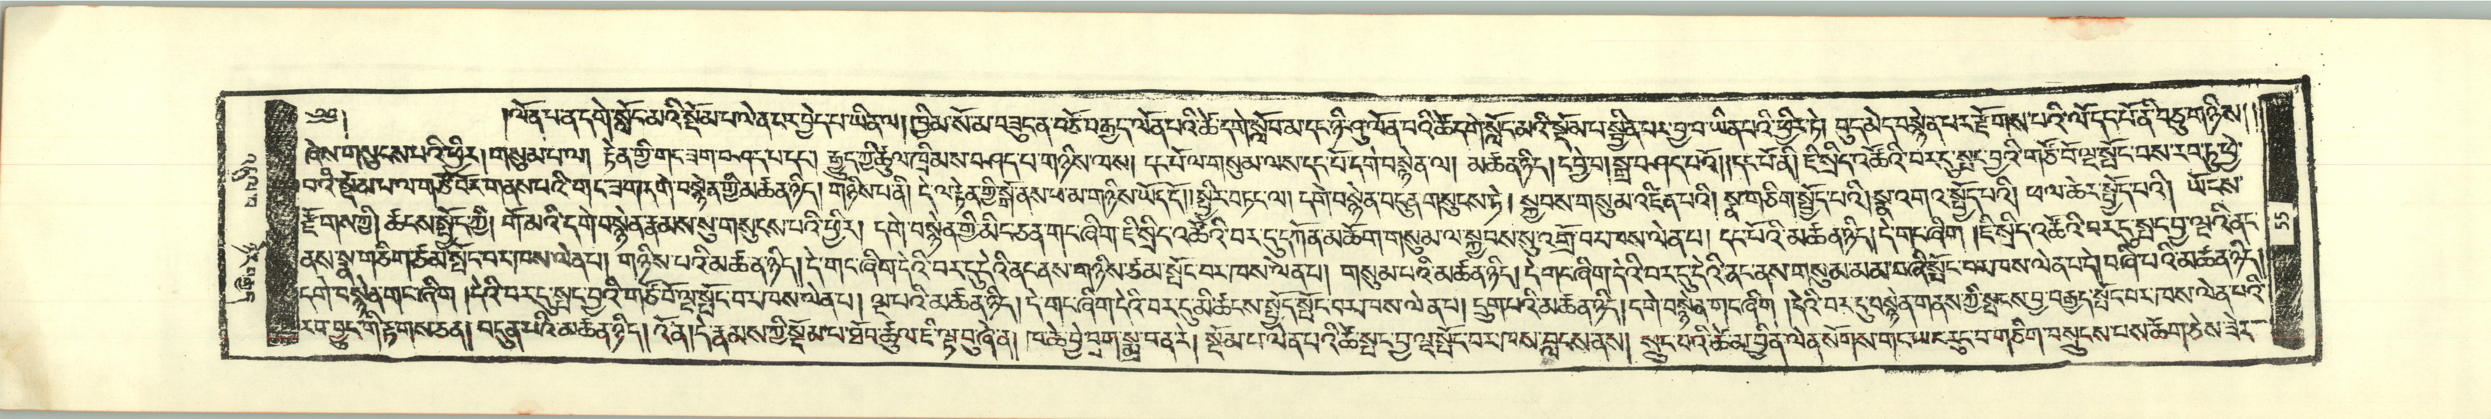༄༅། །ལོན་པ་ན་དགེ་སློང་མའི་སྡོམ་པ་ལེན་པར་བྱེད་པ་ཡིན་ལ། ཁྱིམ་སོ་མ་བཟུང་ན་བཅོ་བརྒྱད་ལོན་པའི་ཚེ་དགེ་སློབ་མ་དང་ཉི་ཤུ་ལོན་པའི་ཚེ་དགེ་སློང་མའི་སྡོམ་པ་སྦྱིན་པར་བྱ་བ་ཡིན་པའི་ཕྱིར་ཏེ། བུད་མེད་བསྙེན་པར་རྫོགས་པའི་ལོ་དང་པོ་ནི་བཅུ་གཉིས། །
ཞེས་གསུངས་པའི་ཕྱིར། གསུམ་པ་ལ། རྟེན་གྱི་གང་ཟག་བཤད་པ་དང་། རྒྱུད་ཀྱི་ཚུལ་ཁྲིམས་བཤད་པ་གཉིས་ལས། དང་པོ་ལ་གསུམ་ལས་དང་པོ་དགེ་བསྙེན་ལ། མཚན་ཉིད། དབྱེ་བ། སྒྲ་བཤད་པའོ། །དང་པོ་ནི། ཇི་སྲིད་འཚོའི་བར་དུ་སྤང་བྱའི་གཙོ་བོ་ལྔ་སྤོང་བས་རབ་ཏུ་ཕྱེ་
བའི་སྡོམ་པ་ལ་གཙོ་བོར་གནས་པའི་གང་ཟག་དགེ་བསྙེན་གྱི་མཚན་ཉིད། གཉིས་པ་ནི། དེ་ལ་རྟེན་གྱི་སྒོ་ནས་ཕ་མ་གཉིས་ཡོད་དོ། །སྤྱིར་བཏང་ལ། དགེ་བསྙེན་བདུན་གསུངས་ཏེ། སྐྱབས་གསུམ་འཛིན་པའི། སྣ་གཅིག་སྤྱོད་པའི། སྣ་འགའ་སྤྱོད་པའི། ཕལ་ཆེར་སྤྱོད་པའི། ཡོངས་
རྫོགས་ཀྱི། ཚངས་སྤྱོད་ཀྱི། གོ་མའི་དགེ་བསྙེན་རྣམས་སུ་གསུངས་པའི་ཕྱིར། དགེ་བསྙེན་གྱི་མིང་ཅན་གང་ཞིག་ཇི་སྲིད་འཚོའི་བར་དུ་དཀོན་མཆོག་གསུམ་ལ་སྐྱབས་སུ་འགྲོ་བར་ཁས་ལེན་པ། དང་པོའི་མཚན་ཉིད། དེ་གང་ཞིག །ཇི་སྲིད་འཚོའི་བར་དུ་སྤང་བྱ་ལྔའི་ནང་
ནས་སྣ་གཅིག་ཙམ་སྤོང་བར་ཁས་ལེན་པ། གཉིས་པའི་མཚན་ཉིད། དེ་གང་ཞིག་དེའི་བར་དུ་དེའི་ནང་ནས་གཉིས་ཙམ་སྤོང་བར་ཁས་ལེན་པ། གསུམ་པའི་མཚན་ཉིད། དེ་གང་ཞིག་དེའི་བར་དུ་དེའི་ནང་ནས་གསུམ་མམ་བཞི་སྤོང་བར་ཁས་ལེན་པ་དེ། བཞི་པའི་མཚན་ཉིད།
དགེ་བསྙེན་གང་ཞིག །དེའི་བར་དུ་སྤང་བྱའི་གཙོ་བོ་ལྔ་སྤོང་བར་ཁས་ལེན་པ། ལྔ་པའི་མཚན་ཉིད། དེ་གང་ཞིག་དེའི་བར་དུ་མི་ཚངས་སྤྱོད་སྤོང་བར་ཁས་ལེན་པ། དྲུག་པའི་མཚན་ཉིད། དགེ་བསྙེན་གང་ཞིག །དེའི་བར་དུ་བསྙེན་གནས་ཀྱི་སྤངས་བྱ་བརྒྱད་སྤོང་བར་ཁས་ལེན་པའི་
རབ་བྱུང་གི་རྟགས་ཅན། བདུན་པའི་མཚན་ཉིད། འོ་ན། དེ་རྣམས་ཀྱི་སྡོམ་པ་ཐོབ་ཚུལ་ཇི་ལྟ་བུ་ཞེ་ན། ཁ་ཆེ་བྱེ་བྲག་སྨྲ་བ་ན་རེ། སྡོམ་པ་ལེན་པའི་ཚེ་སྤང་བྱ་ལྔ་སྤོང་བར་ཁས་བླངས་ནས། སྲུང་བའི་ཚེ་མ་བྱིན་ལེན་སོགས་གང་ཡང་རུང་པ་གཅིག་བསྲུངས་པས་ཆོག་ཅེས་ཟེར་